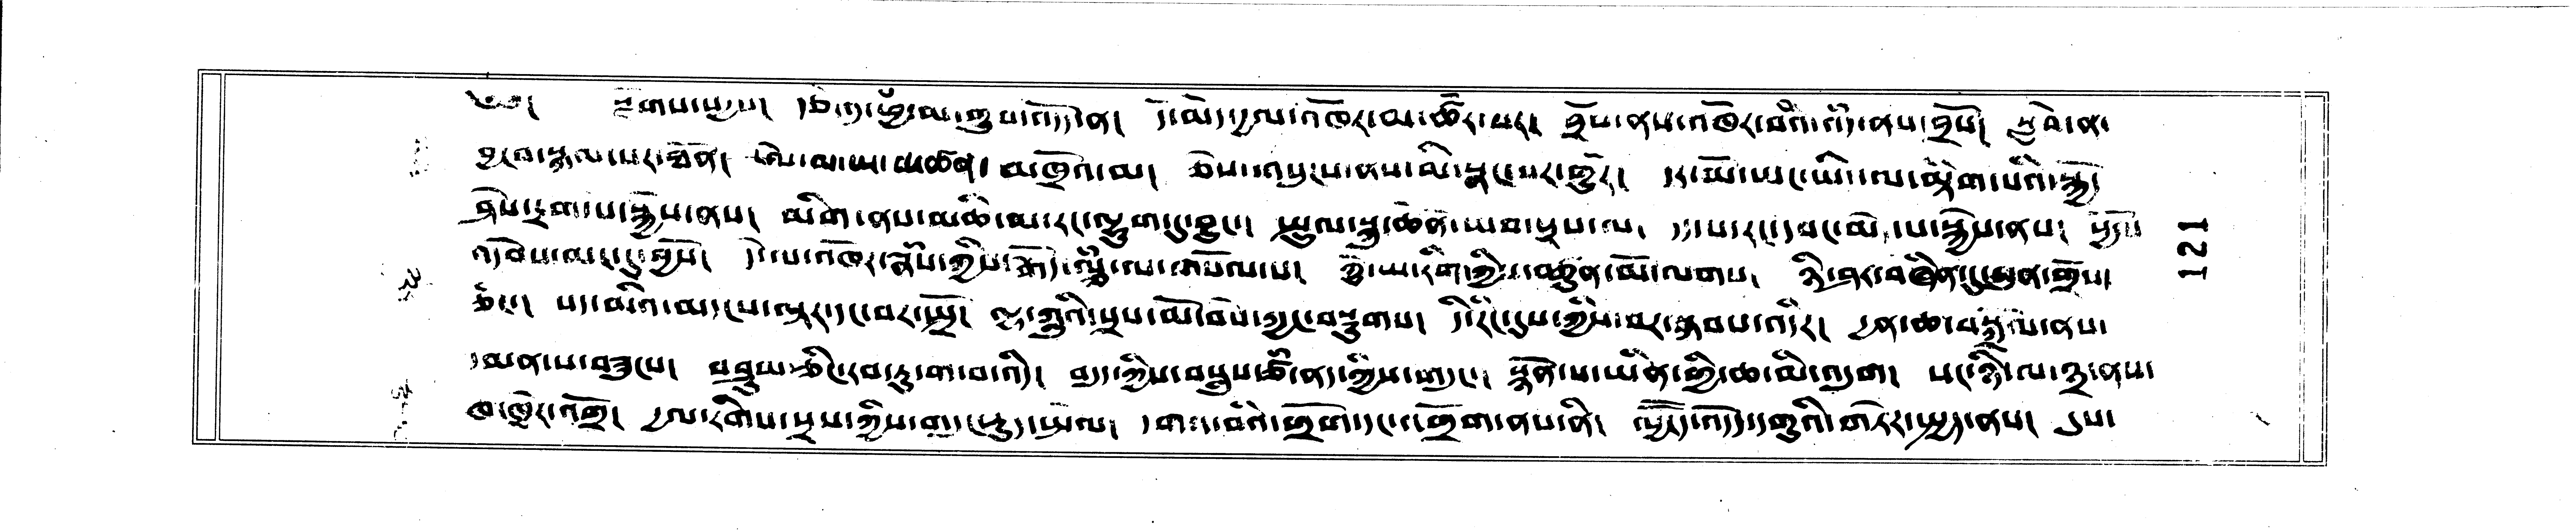རྫོགས་སངས་རྒྱས། རྩེ་གཅིག་ཕྱི་མ་གྲུབ་འདོད་ན། དེ་མེད་རྒྱལ་འཁོར་མ་ཚོར་བར། བྲོས་ནས་འཁོར་བའི་འདམ་ནས་བྲོས། སླེབས་ནས་
བྱང་ཆུབ་སྐལ་པར་ཐོན། ཨེ་མ་ཡ་མཚན་མཁའ་འགྲོ་མ། ཅེས་གསུངས་ནས་མི་སྣང་བར་གྱུར་ཏོ། དེར་མོ་ཡང་ཡིད་ལ་མི་རྟག་པའི་སྐྱོ་
ཤས་དྲག་པོ་སྐྱེས་ནས། མིག་ནས་མཆི་མ་རང་ལྷུག་ཏུ་བྱུང་། སྤྲུལ་སྐུ་ཆེན་པོ་ཡབ་སྲས་ལ། དད་པ་རང་དབང་མེད་པ་སྐྱེས་ནས། གསོལ་
འདེབས་མང་དུ་བྱོས། དེ་ལ་འཁོར་རྣམས་ཀྱིས་རྒོད་ལྩམ་ལ་གསོལ་པ། ཀྱེ་མ་རིགས་ཀྱི་བཙུན་མོ་ལགས། ཉི་ཤར་བཞིན་དུ་མུན་གྲོས་
ཤིང་། པད་མའི་མདངས་ལྟར་དང་བར་སྤྲོ། ལྷ་ཀླུའི་སྲས་མོ་བས་ཀྱང་སྡུག དེ་རིང་དུས་ཀྱིས་བར་སྐབས་འདིར། རྒྱན་ཆ་བཀྲོལ་ནས་
དམན་ས་བཟུང་། བཤུམས་ཤིང་རབ་ཏུ་ག་བ་འདི། བདུད་ཀྱིས་བསླུས་ཙམ་ནད་ཀྱིས་གདུང་། སྙོན་པ་ཡིན་གྱི་ཆ་མི་འདུག སང་ཉི་མ་གསུམ་ནས་
ཁ་ཁྱེར་འགྲོ། རྒྱལ་རིགས་སྲས་ཀྱི་གདུང་བརྒྱུད་སྤེལ། དགའ་བའི་གྲོགས་དང་འགྲོགས་ནས་ནི། ལོངས་སྤྱོད་འདོད་དགུའི་གཏེར་སྤྱད་ནས། དུས་